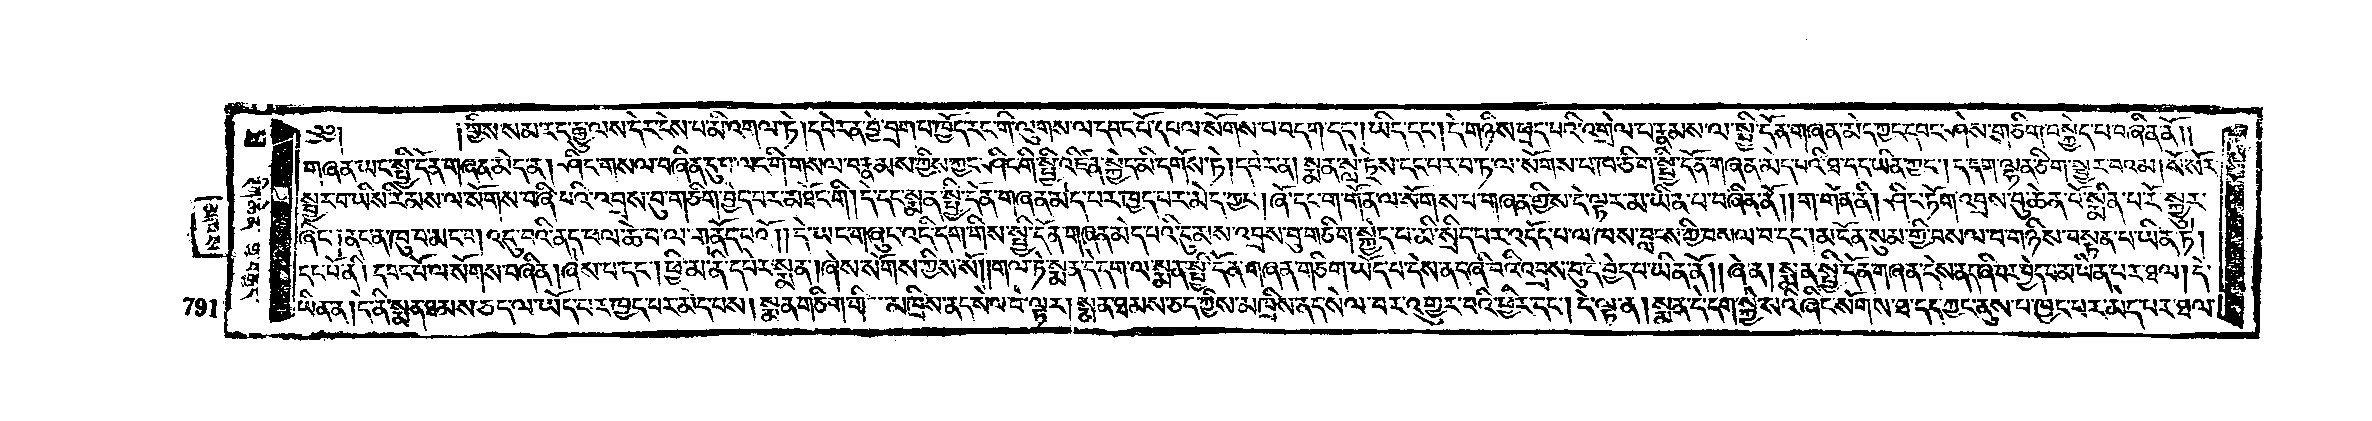༄༅། །གྱིས་སམ་རང་རྒྱུ་ལས་དེར་ངེས་པ་མི་འགལ་ཏེ། དཔེར་ན་བྱེ་བྲག་པ་ཁྱོད་རང་གི་ལུགས་ལ་དབང་པོ་དཔལ་སོགས་པ་བདག་དང་། ཡིད་དང་། དེ་གཉིས་ཕྲད་པའི་འགྲེལ་པ་རྣམས་ལ་སྤྱི་དོན་གཞན་མེད་ཀྱང་དབང་ཤེས་གཅིག་བསྐྱེད་པ་བཞིན་ནོ།།
གཞན་ཡང་སྤྱི་དོན་གཞན་མེད་ན། ཤིང་གསལ་བཞིན་དུ་བ་ལང་གི་གསལ་བ་རྣམས་ཀྱིས་ཀྱང་ཤིང་གི་སྤྱི་འཛིན་སྐྱེད་མི་དགོས་ཏེ། དཔེར་ན། སྨན་སླེ་ཏྲེས་དང་པར་བ་ཏ་ལ་སོགས་པ་ཁ་ཅིག་སྤྱི་དོན་གཞན་མེད་པའི་ཐ་དད་ཡིན་ཀྱང་། དེ་དག་ལྷན་ཅིག་སྦྱར་བའམ། སོ་སོར་
སྦྱར་བ་ཡིས་རིམས་ལ་སོགས་བཞི་པའི་འབྲས་བུ་གཅིག་བྱེད་པར་མཐོང་གི །དེ་དང་སྨན་སྤྱི་དོན་གཞན་མེད་པར་ཁྱད་པར་མེད་ཀྱང་། ཞོ་དང་ག་གོན་ལ་སོགས་པ་གཞན་གྱིས་དེ་ལྟར་མ་ཡིན་པ་བཞིན་ནོ། །ག་གོན་ནི། ཤིང་ཏོག་འབྲས་བུ་ཆེན་པོ་སྨིན་པ་རོ་སྐྱུར་
ཞིང་། ནང་ན་ཁུ་བ་མང་བ། འདུ་བའི་ནད་ཕལ་ཆེ་བ་ལ་གནོད་པའོ། །དེ་ཡང་གཞུང་འདི་དག་གིས་སྤྱི་དོན་གཞན་མེད་པའི་དུ་མས་འབྲས་བུ་གཅིག་སྐྱེད་པ་མི་སྲིད་པར་འདོད་པ་ལ་ཁས་བླངས་ཀྱི་བསལ་བ་དང་། མངོན་སུམ་གྱི་བསལ་བ་གཉིས་བསྟན་པ་ཡིན་ཏེ།
དང་པོ་ནི། དབང་པོ་ལ་སོགས་བཞིན། ཞེས་པ་དང་། ཕྱི་མ་ནི་དཔེར་སྨན། ཞེས་སོགས་ཀྱིས་སོ། །གལ་ཏེ་སྨན་དེ་དག་ལ་སྨན་སྤྱི་དོན་གཞན་གཅིག་ཡོད་པ་དེས་ནད་ཞི་བའི་འབྲས་བུ་དེ་བྱེད་པ་ཡིན་ནོ། །ཞེ་ན། སྨན་སྤྱི་དོན་གཞན་དེས་ནད་ཞི་བར་བྱེད་པ་མ་ཡིན་པར་ཐལ། དེ་
ཡིན་ན། དེ་ནི་སྨན་ཐམས་ཅད་ལ་ཡོད་པར་ཁྱད་པར་མེད་པས། སྨན་གཅིག་གི་མཁྲིས་ནད་སེལ་བ་ལྟར། སྨན་ཐམས་ཅད་ཀྱིས་མཁྲིས་ནད་སེལ་བར་འགྱུར་བའི་ཕྱིར་དང་། དེ་ལྟ་ན། སྨན་དེ་དག་སྐྱེ་སའི་ཞིང་སོགས་ཐ་དད་ཀྱང་ནུས་པ་ཁྱད་པར་མེད་པར་ཐལ་